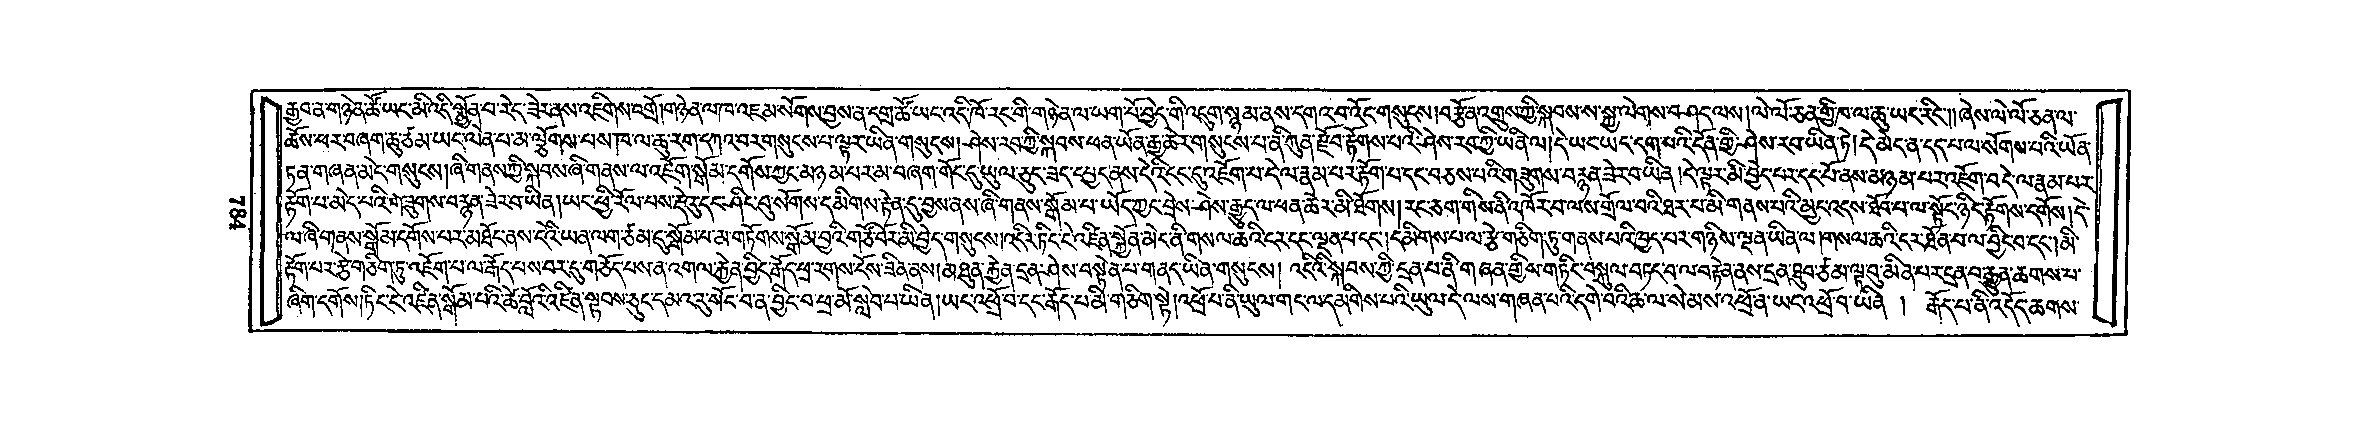རྒྱབ་ན་གཉེན་ཚོ་ཡང་མི་འདི་སྨྱོན་པ་རེད་ཟེར་ནས་འཇིགས་འགྲོ་།གཉེན་ལ་ཁ་འཇམ་སོགས་བྱས་ན་དགྲ་ཚོ་ཡང་འདི་ཁོ་རང་གི་གཉེན་ལ་ཡག་པོ་བྱེད་གི་འདུག་སྙམ་ནས་དགའ་བ་འོང་གསུངས། བརྩོན་འགྲུས་ཀྱི་སྐབས་ས་སྐྱ་ལེགས་བཤད་ལས། ལེ་ལོ་ཅན་གྱི་ཁ་ལ་ཆུ་ཡང་རིང་། །ཞེས་ལེ་ལོ་ཅན་ལ་
ཆོས་ཕར་བཞག་ཆུ་ཙམ་ཡང་ལེན་པ་མ་ལྕོགས་པས་ཁ་ལ་ཆུ་རག་དཀའ་བར་གསུངས་པ་ལྟར་ཡིན་གསུངས། ཤེས་རབ་ཀྱི་སྐབས་ཕན་ཡོན་རྒྱ་ཆེར་གསུངས་པ་ནི་ཀུན་རྫོབ་རྟོགས་པའི་ཤེས་རབ་ཀྱི་ཡིན་ལ། དེ་ཡང་ཡང་དག་པའི་དོན་གྱི་ཤེས་རབ་ཡིན་ཏེ། དེ་མེད་ན་དད་པ་ལ་སོགས་པའི་ཡོན་
ཏན་གཞན་མེད་གསུངས། ཞི་གནས་ཀྱི་སྐབས་ཞི་གནས་ལ་འཇོག་སྒོམ་དགོས་ཀྱང་མཉམ་པར་མ་བཞག་གོང་དུ་ཡུལ་ཅུང་ཟད་དཔྱད་ནས་དེའི་དང་དུ་འཇོག་པ་དེ་ལ་རྣམ་པར་རྟོག་པ་དང་བཅས་པའི་གཟུགས་བརྙན་ཟེར་བ་ཡིན། དེ་ལྟར་མི་བྱེད་པར་དང་པོ་ནས་མཉམ་པར་འཇོག་པ་དེ་ལ་རྣམ་པར་
རྟོག་པ་མེད་པའི་གཟུགས་བརྙན་ཟེར་བ་ཡིན། ཡང་ཕྱི་རོལ་པས་རྡེའུ་དང་ཤིང་བུ་སོགས་དམིགས་རྟེན་དུ་བྱས་ནས་ཞི་གནས་སྒོམ་པ་ཡོད་ཀྱང་བྲེས་ཤེས་རྒྱུད་ལ་ཕན་ཆེར་མི་ཐོགས། རང་ཅག་གིས་ནི་འཁོར་བ་ལས་གྲོལ་བའི་ཐར་པ་མི་གནས་པའི་མྱང་འདས་ཐོབ་པ་ལ་སྟོང་ཉིད་རྟོགས་དགོས། དེ་
ལ་ཞི་གནས་སྒོམ་དགོས་པར་མཐོང་ནས་དེའི་ཡན་ལག་ཙམ་དུ་སྒོམ་པ་མ་གཏོགས་སྒོམ་བྱའི་གཙོ་བོར་མི་བྱེད་གསུངས། འདིར་ཏིང་ངེ་འཛིན་སྐྱོན་མེད་ནི་གསལ་ཆའི་ངར་དང་ལྡན་པ་དང་། དམིགས་པ་ལ་རྩེ་གཅིག་ཏུ་གནས་པའི་ཁྱད་པར་གཉིས་ལྡན་ཡིན་ལ། གསལ་ཆའི་ངར་ཐོན་པ་ལ་བྱིང་བ་དང་། མི་
རྟོག་པར་རྩེ་གཅིག་ཏུ་འཇོག་པ་ལ་རྒོད་པས་བར་དུ་གཅོད་པས་ན་འགལ་རྐྱེན་བྱིང་རྒོད་ཕྲ་རགས་ངོས་ཟིན་ནས། མཐུན་རྐྱེན་དྲན་ཤེས་བསྟེན་པ་གནད་ཡིན་གསུངས། འདིའི་སྐབས་ཀྱི་དྲན་པ་ནི་གཞན་གྱིས་གཏིང་བསྐུལ་བཏང་བ་ལ་བརྟེན་ནས་དྲན་ཐུབ་ཙམ་ལྟ་བུ་མིན་པར་དྲན་བ་རྒྱུན་ཆགས་པ་
ཞིག་དགོས། ཏིང་ངེ་འཛིན་སྒོམ་པའི་ཚེ་བློའི་འཛིན་སྟབས་ཅུང་དམའ་རུ་སོང་བ་ན་བྱིང་བ་ཕྲ་མོ་སླེབ་པ་ཡིན། ཡང་འཕྲོ་བ་དང་རྒོད་པ་མི་གཅིག་སྟེ། འཕྲོ་པ་ནི་ཡུལ་གང་ལ་དམིགས་པའི་ཡུལ་དེ་ལས་གཞན་པའི་དགེ་བའི་ཆ་ལ་སེམས་འཕྲོ་ན་ཡང་འཕྲོ་བ་ཡིན། རྒོད་པ་ནི་འདོད་ཆགས་